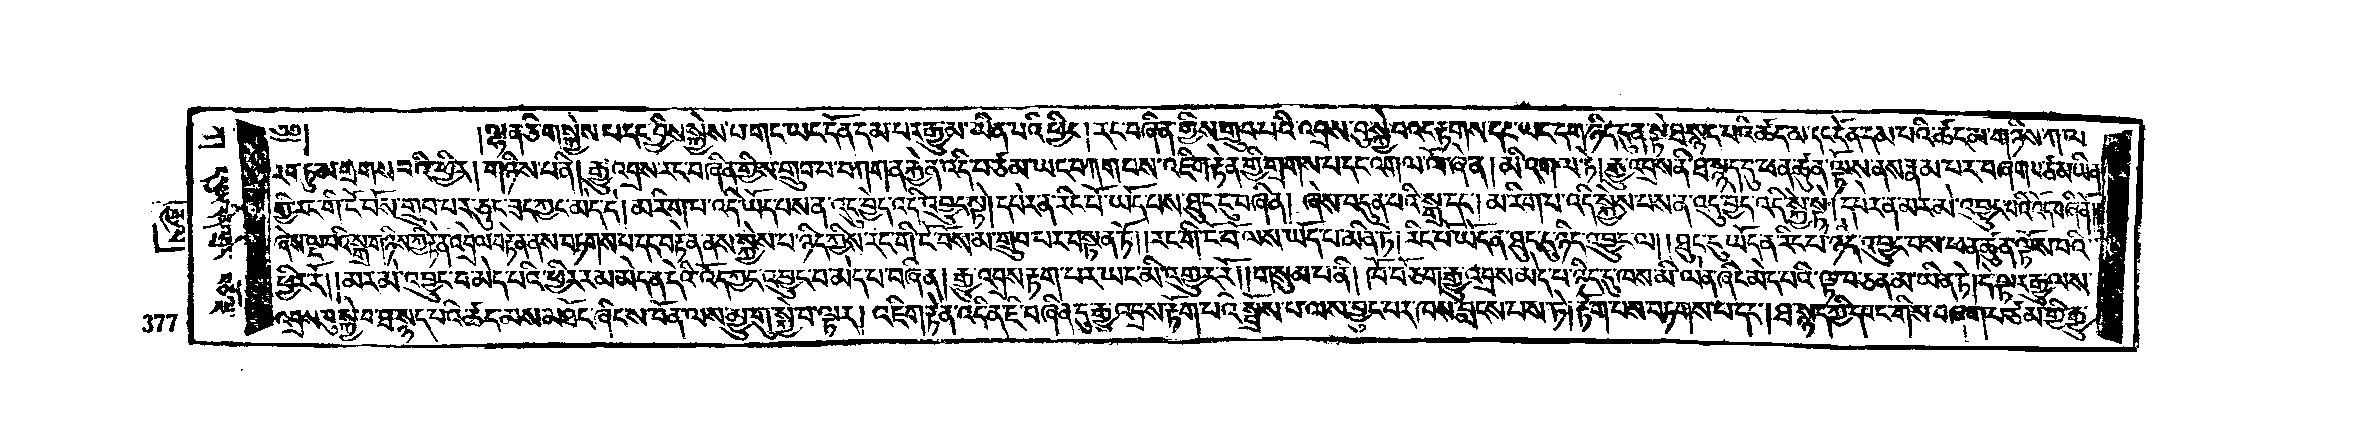༄༅། །ལྷན་ཅིག་སྐྱེས་པ་དང་བྱིས་སྐྱེས་པ་གང་ཡང་དོན་དམ་པར་རྒྱུ་མ་ཡིན་པའི་ཕྱིར། རང་བཞིན་གྱིས་གྲུབ་པའི་འབྲས་བུ་སྐྱེ་བའང་རྟགས་དང་ཡང་དག་ཉིད་དུ་ན་སྟེ་ཐ་སྙད་པའི་ཚད་མ་དང་དོན་དམ་པའི་ཚད་མ་གཉིས་ཀ་ལ་
རབ་ཏུ་མ་གྲགས་པའི་ཕྱིར། གཉིས་པ་ནི། རྒྱུ་འབྲས་རང་བཞིན་གྱིས་གྲུབ་པ་བཀག་ན་རྐྱེན་འདི་བ་ཙམ་ཡང་བཀག་པས་འཇིག་རྟེན་གྱི་གྲགས་པ་དང་འགལ་ལོ་ཞེ་ན། མི་འགལ་ཏེ། རྒྱུ་འབྲས་ནི་ཐ་སྙད་དུ་ཕན་ཚུན་ལྟོས་ནས་རྣམ་པར་བཞག་པ་ཙམ་ཡིན་
གྱི་རང་གི་ངོ་བོས་གྲུབ་པར་ཅུང་ཟད་ཀྱང་མེད་དེ། མ་རིགས་པ་འདི་ཡོད་པས་ན་འདུ་བྱེད་འདི་འབྱུང་སྟེ། དཔེར་ན་རིང་པོ་ཡོད་པས་ཐུང་ངུ་བཞིན། ཞེས་བདུན་པའི་སྒྲ་དང་། མ་རིག་པ་འདི་སྐྱེས་པས་ན་འདུ་བྱེད་འདི་སྐྱེ་སྟེ། དཔེར་ན་མར་མེ་འབྱུང་བའི་འོད་བཞི་ནོ། །
ཞེས་ལྔ་པའི་སྒྲ་གཉིས་ཀྱི་རྟེན་འབྲེལ་བརྟེན་ནས་བཏགས་པ་དང་བརྟན་ནས་སྐྱེས་པ་ཉིད་ཀྱིས་རང་གི་ངོ་བོས་མ་གྲུབ་པར་བསྟན་ཏོ། །རང་གི་ངོ་བོ་ལས་ཡོད་པ་མིན་ཏེ། རིང་པོ་ཡོད་ན་ཐུད་དུ་ཉིད་འབྱུང་ལ། །ཐུང་ངུ་ཡོད་ན་རིང་པོ་ཉིད་འབྱུང་བས་ཕན་ཚུན་ལྟོས་པའི་
ཕྱིར་རོ། །མར་མེ་འབྱུང་བ་མེད་པའི་ཕྱིར་རམ་མེད་ན་དེའི་འོད་ཀྱང་འབྱུང་བ་མེད་པ་བཞིན། རྒྱུ་འབྲས་རྟག་པར་ཡང་མི་འགྱུར་རོ། །གསུམ་པ་ནི། ཁོ་བོ་ཅག་རྒྱུ་འབྲས་མེད་པ་ཉིད་དུ་ཁས་མི་ལེན་ཞིང་མེད་པའི་ལྟ་བ་ཅན་མ་ཡིན་ཏེ། དེ་ལྟར་རྒྱུ་ལས་
འབྲས་བུ་སྐྱེ་བ་ཐ་སྙད་པའི་ཚད་མས་མཐོང་ཞིང་ས་བོན་ལས་མྱུ་གུ་སྐྱེ་བ་ལྟར། འཇིག་རྟེན་འདི་ན་ཇི་བཞིན་དུ་རྒྱུ་འབྲས་རྟོག་པའི་སྤྲོས་པ་ལས་བྱུང་བར་ཁས་བླངས་པས་ཏེ། རྟོག་པས་བཏགས་པ་དང་། ཐ་སྙད་ཀྱི་དབང་གིས་བཞག་པ་ཙམ་གྱི་རྒྱུ་